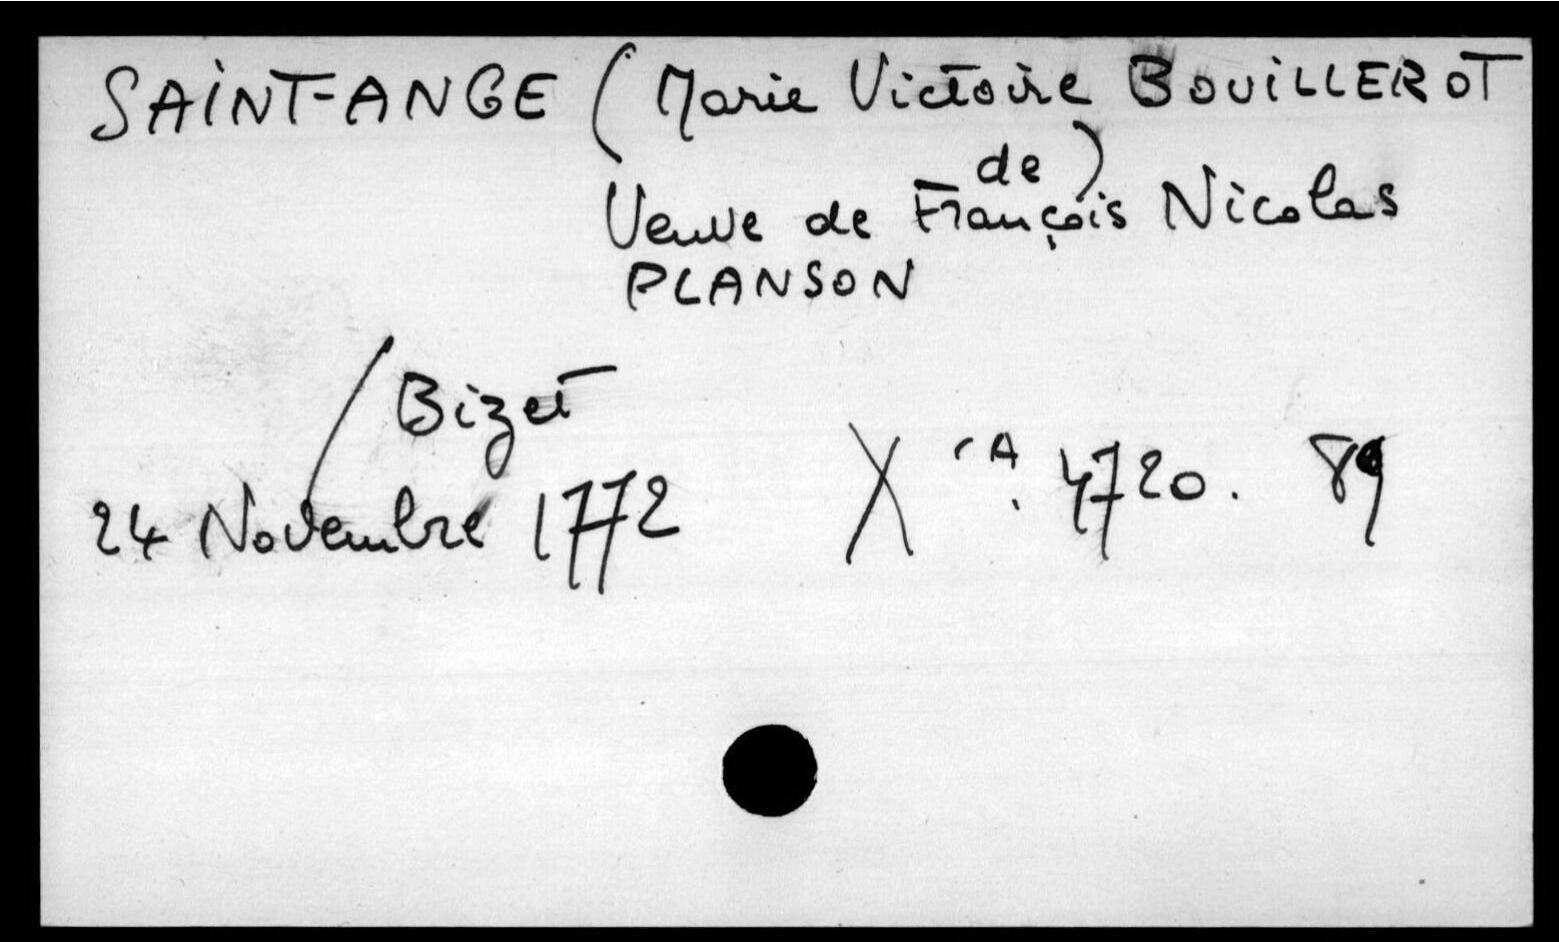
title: SAINT-ANGE (Marie Victoire BOUILLEROT de) Veuve de François Nicolas PLANSON
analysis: Contre Bizet
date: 24 novembre 1772
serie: X1A
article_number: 4720
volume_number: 89
